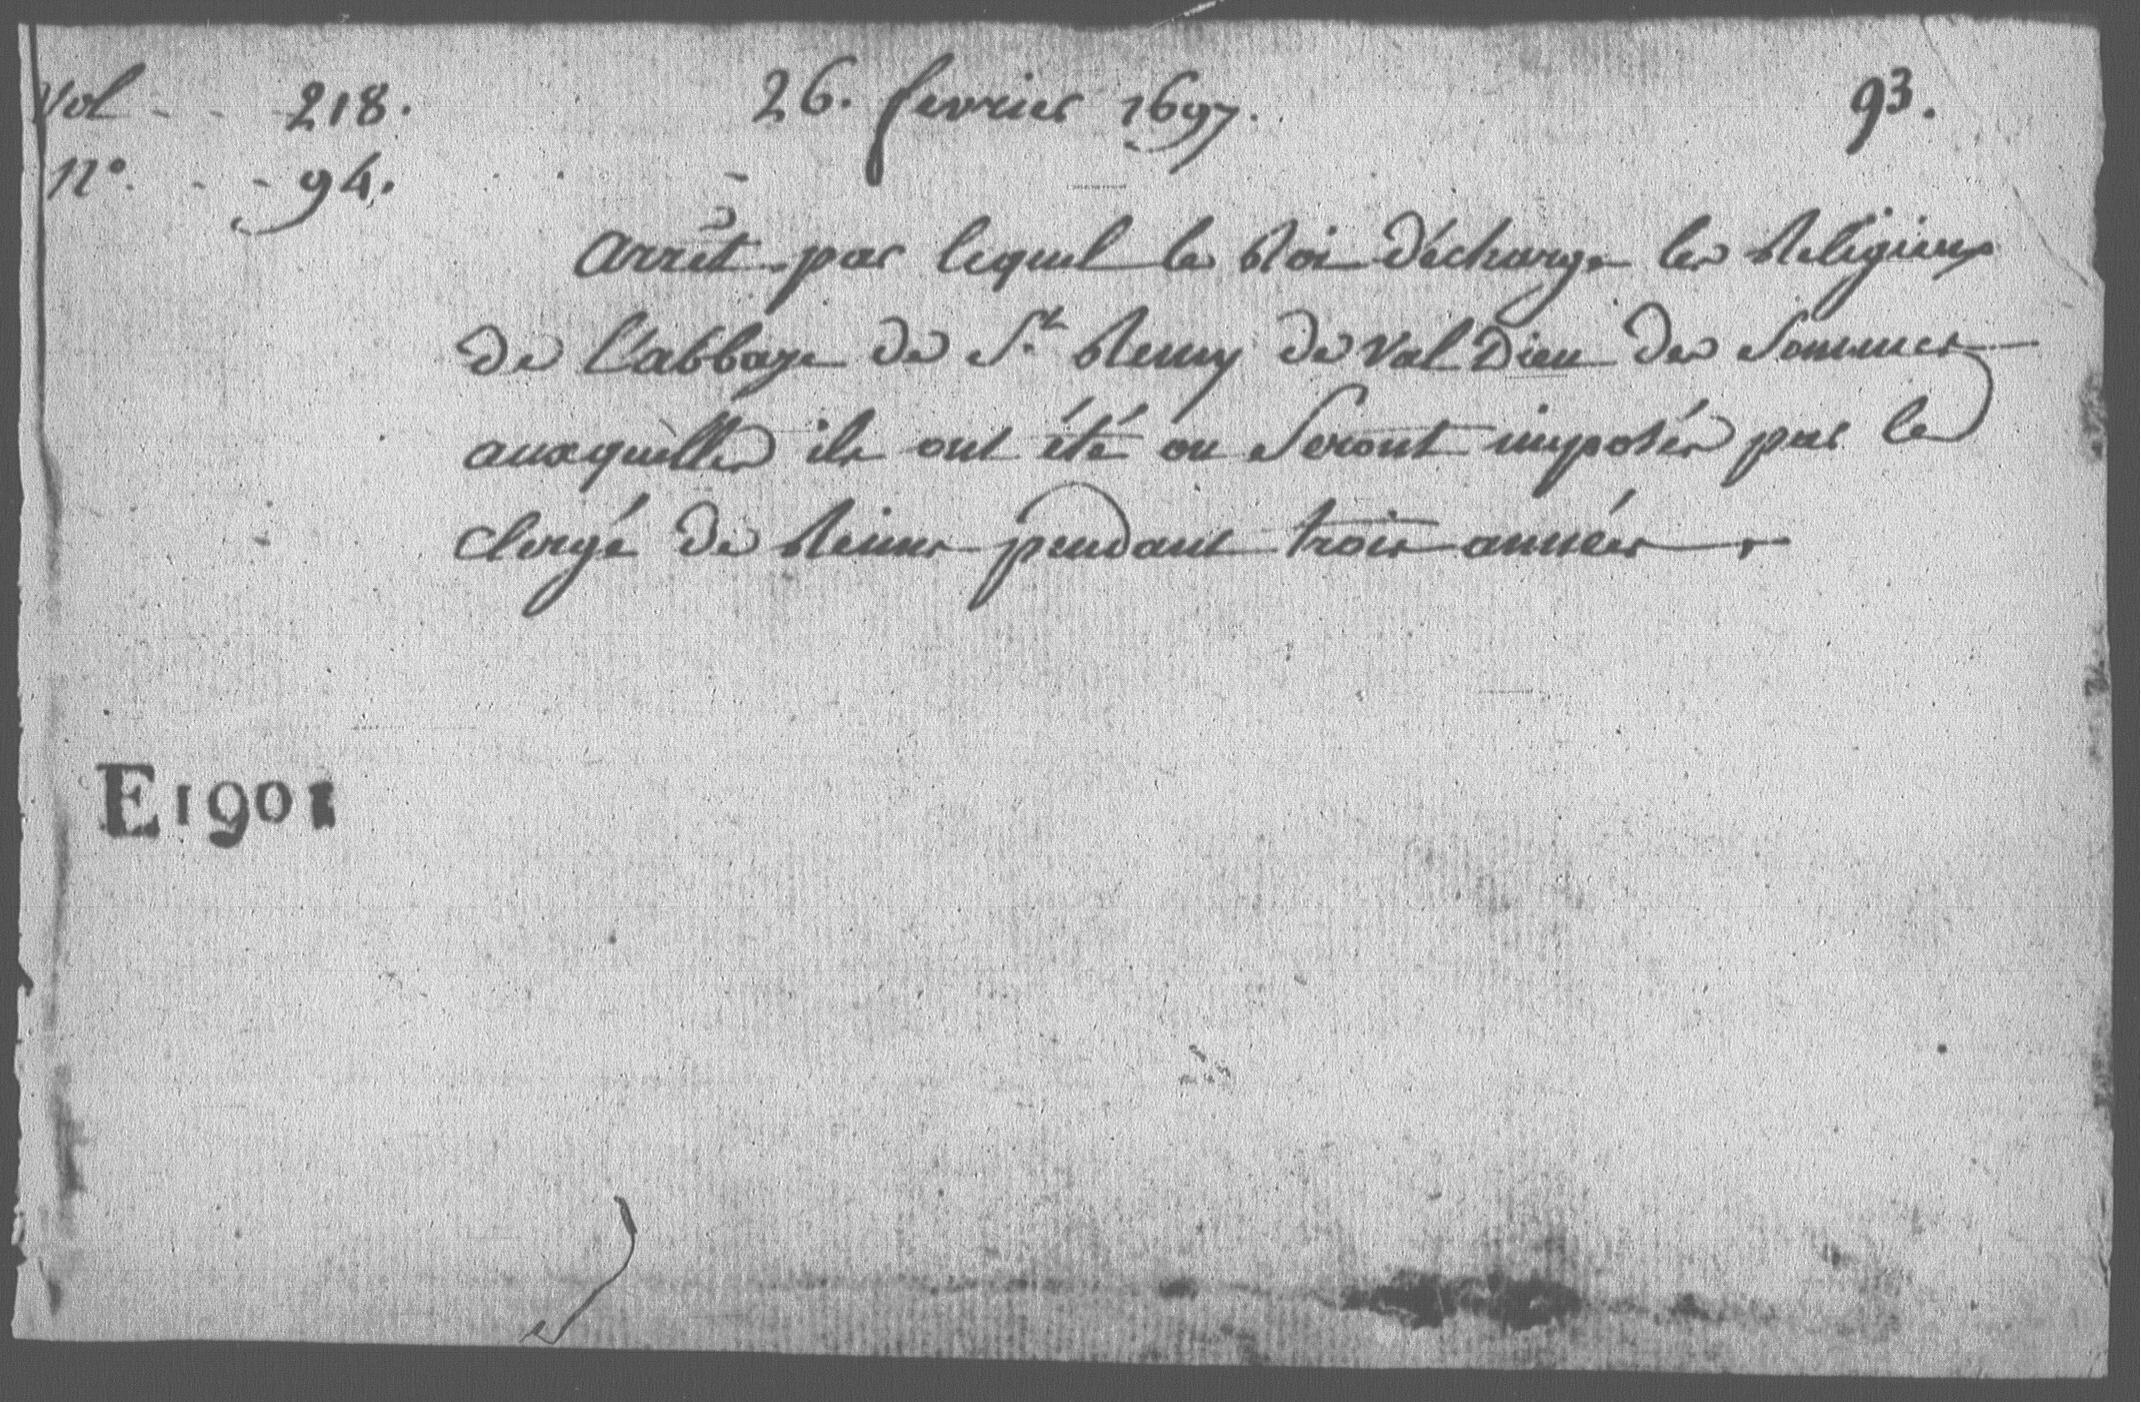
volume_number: n°94
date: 26 février 1697
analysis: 93
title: Arrêt par lequel le Roi décharge les religieux de l'abbaye de S.t Remy de Val Dieu des sommes auxquelles ils ont été ou seront imposés par le clergé de Reims pendant trois années
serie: E
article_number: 1901
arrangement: vol. 218
